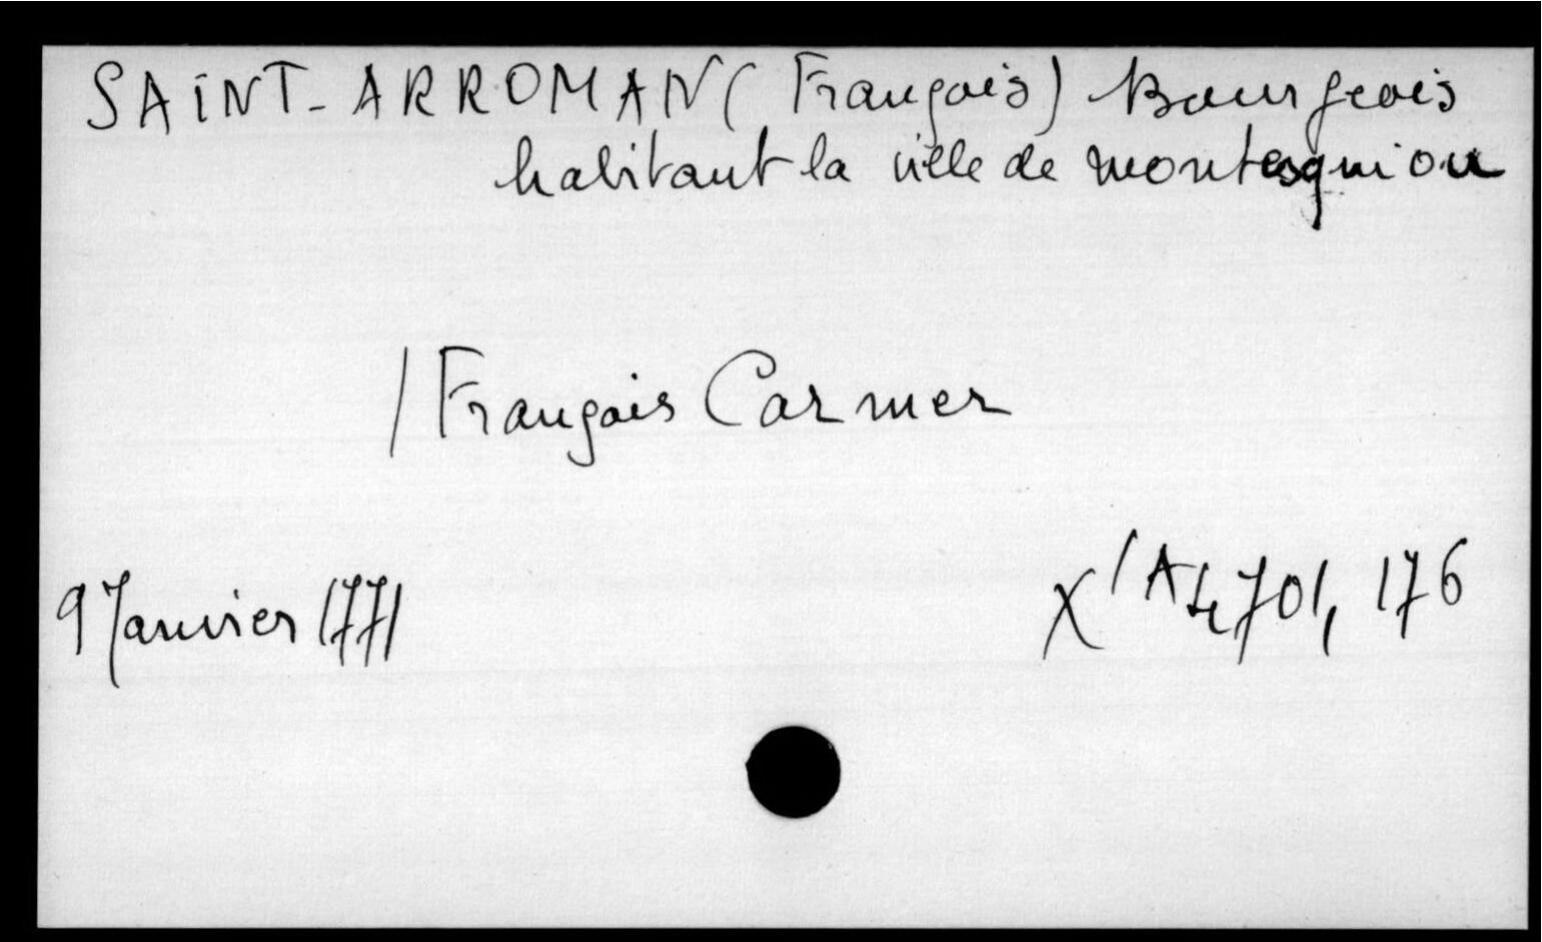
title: SAINT-ARROMAN (François) Bourgeois habitant la ville de Montesquiou
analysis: Contre François Carmer
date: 9 janvier 1771
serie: X1A
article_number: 4701
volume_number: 176
